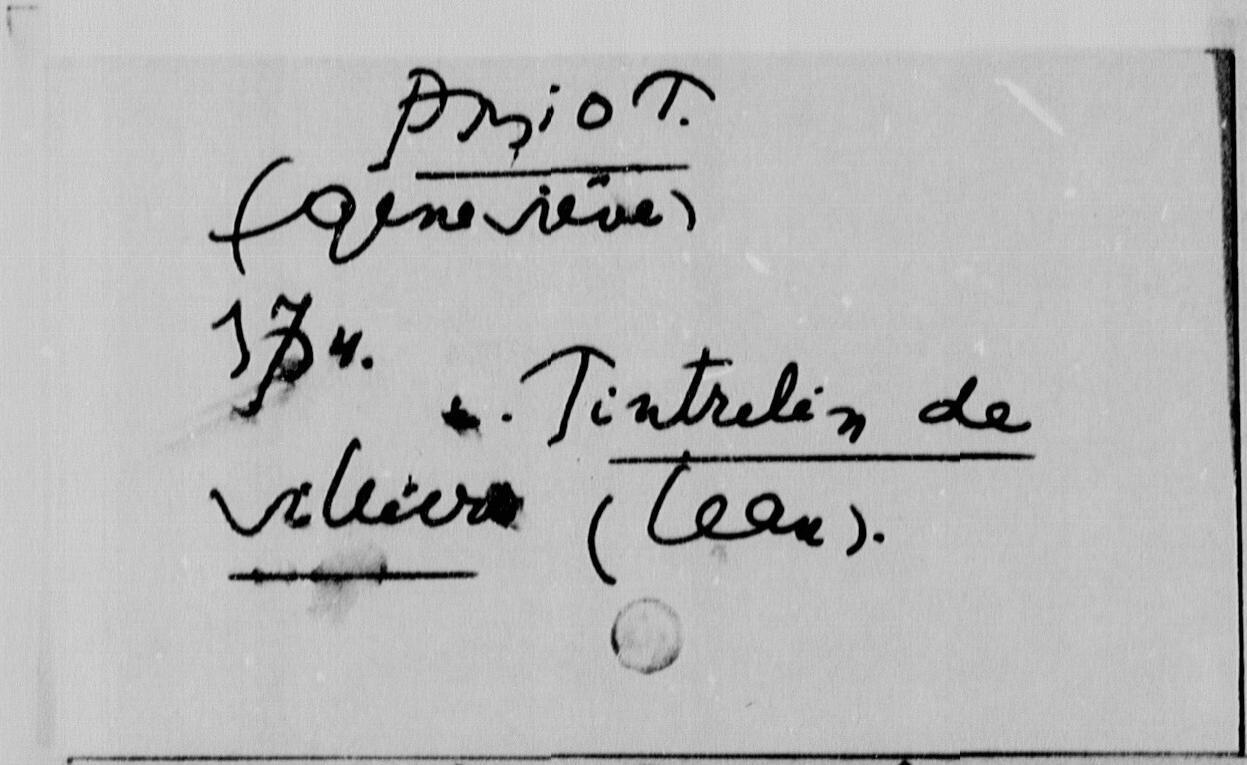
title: AMIOT (Geneviève)
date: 1704
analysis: Voir TINTRELIN DE VILLIERS (Jean)
